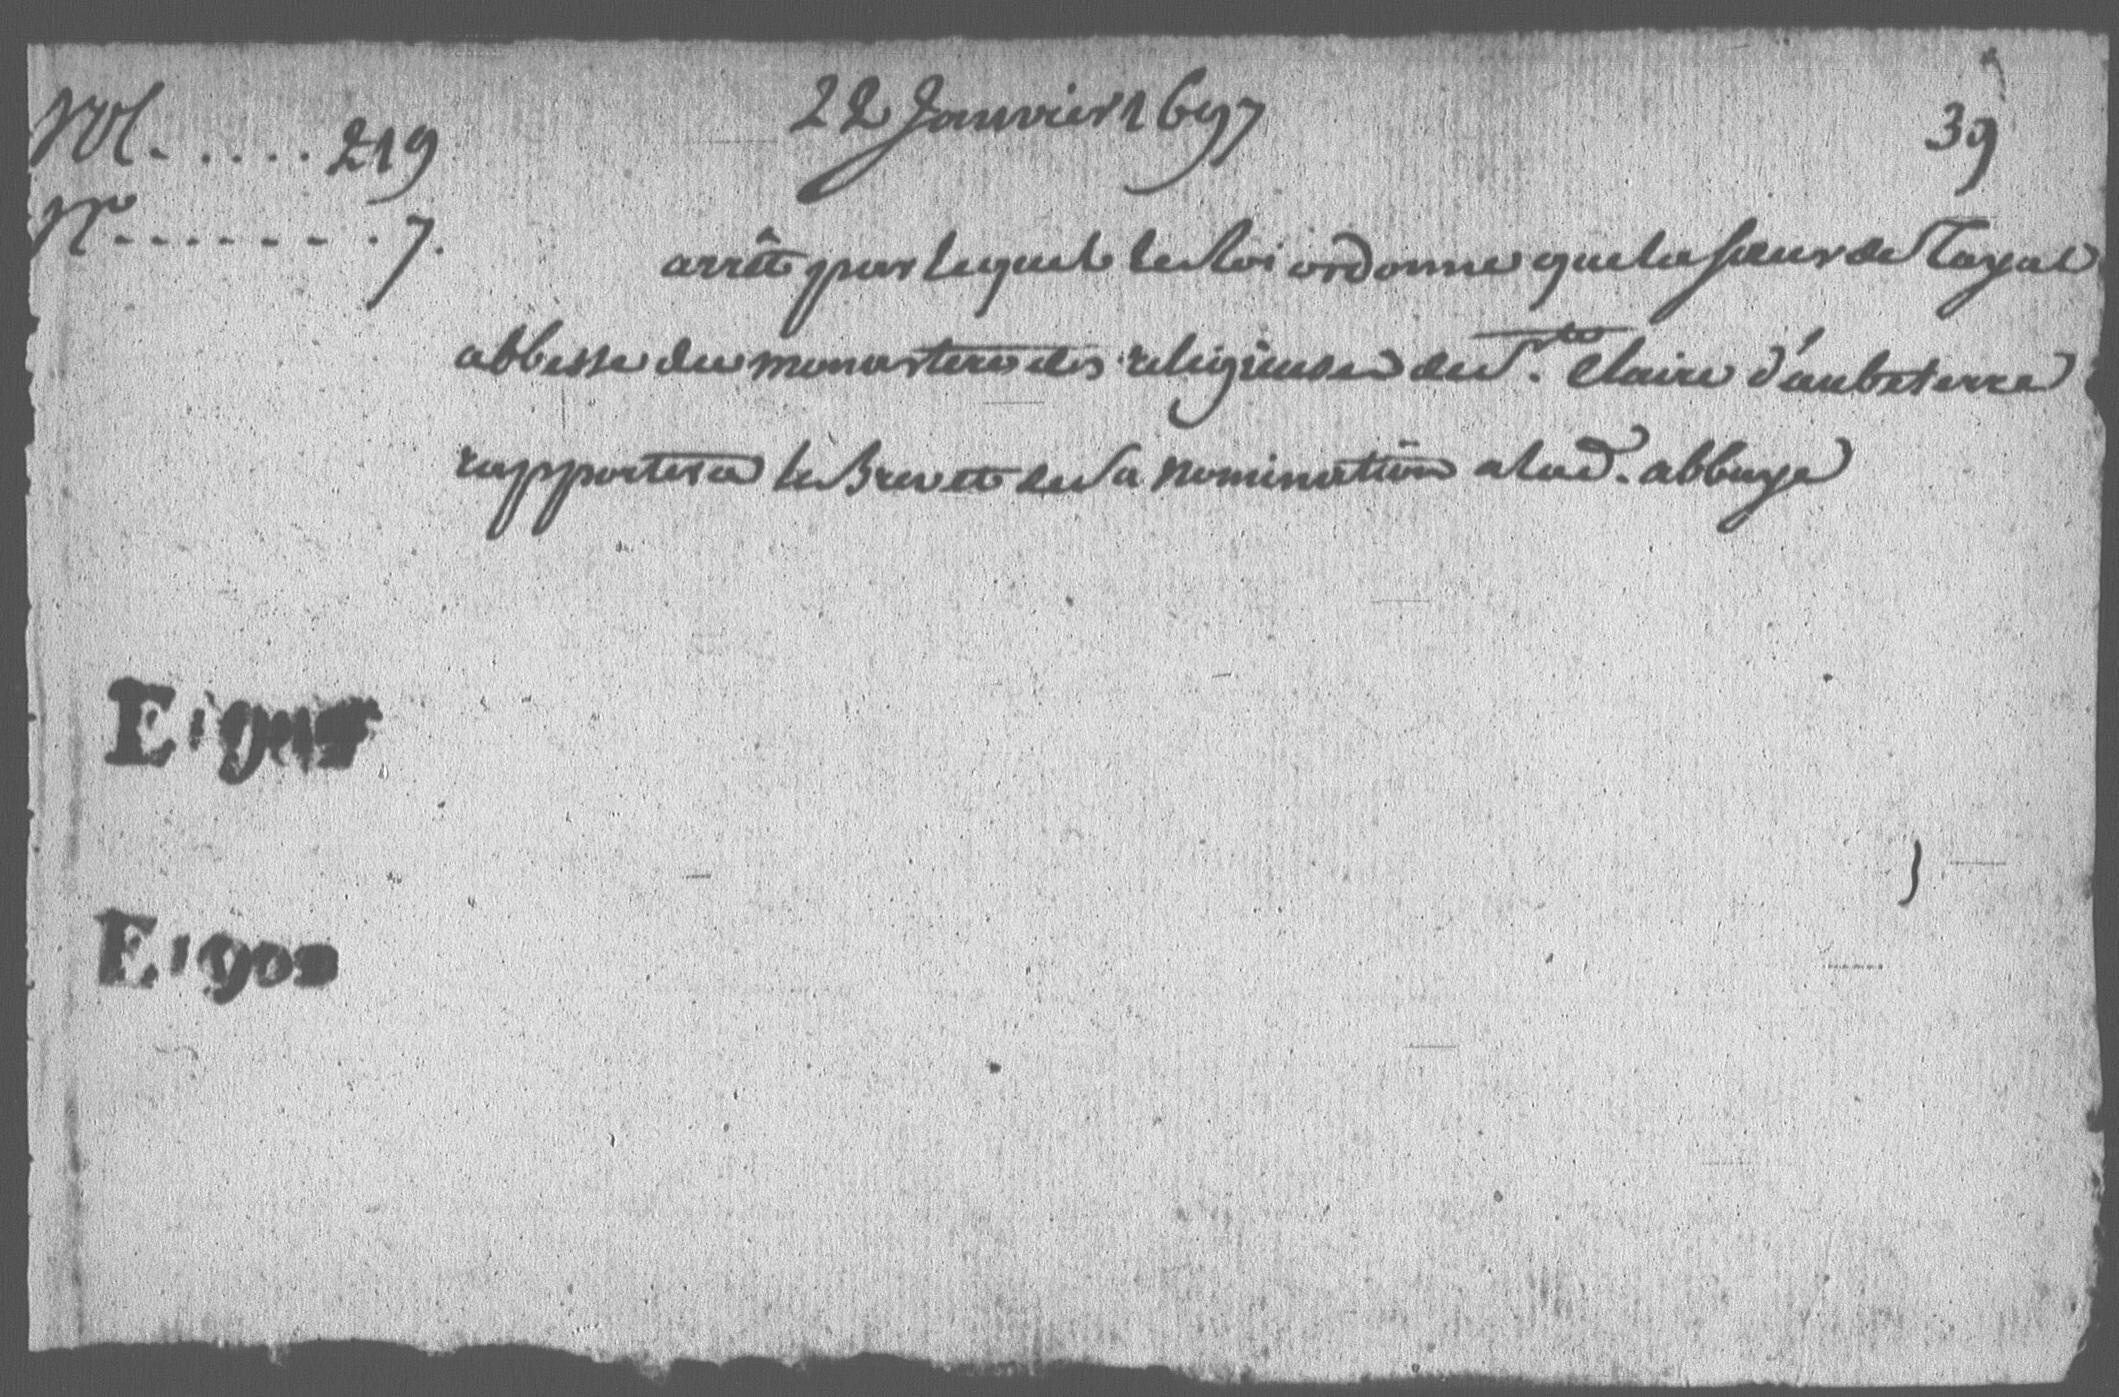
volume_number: n°7
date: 22 janvier 1697
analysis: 39
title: arrêt par lequel le Roi ordonne que la soeur de Tayal abbesse du monastere des religieuses de S.te Claire d'aubeterre rapportera le Brevet de sa nomination a lad. abbaye
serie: E
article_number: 1902
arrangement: vol. 219
